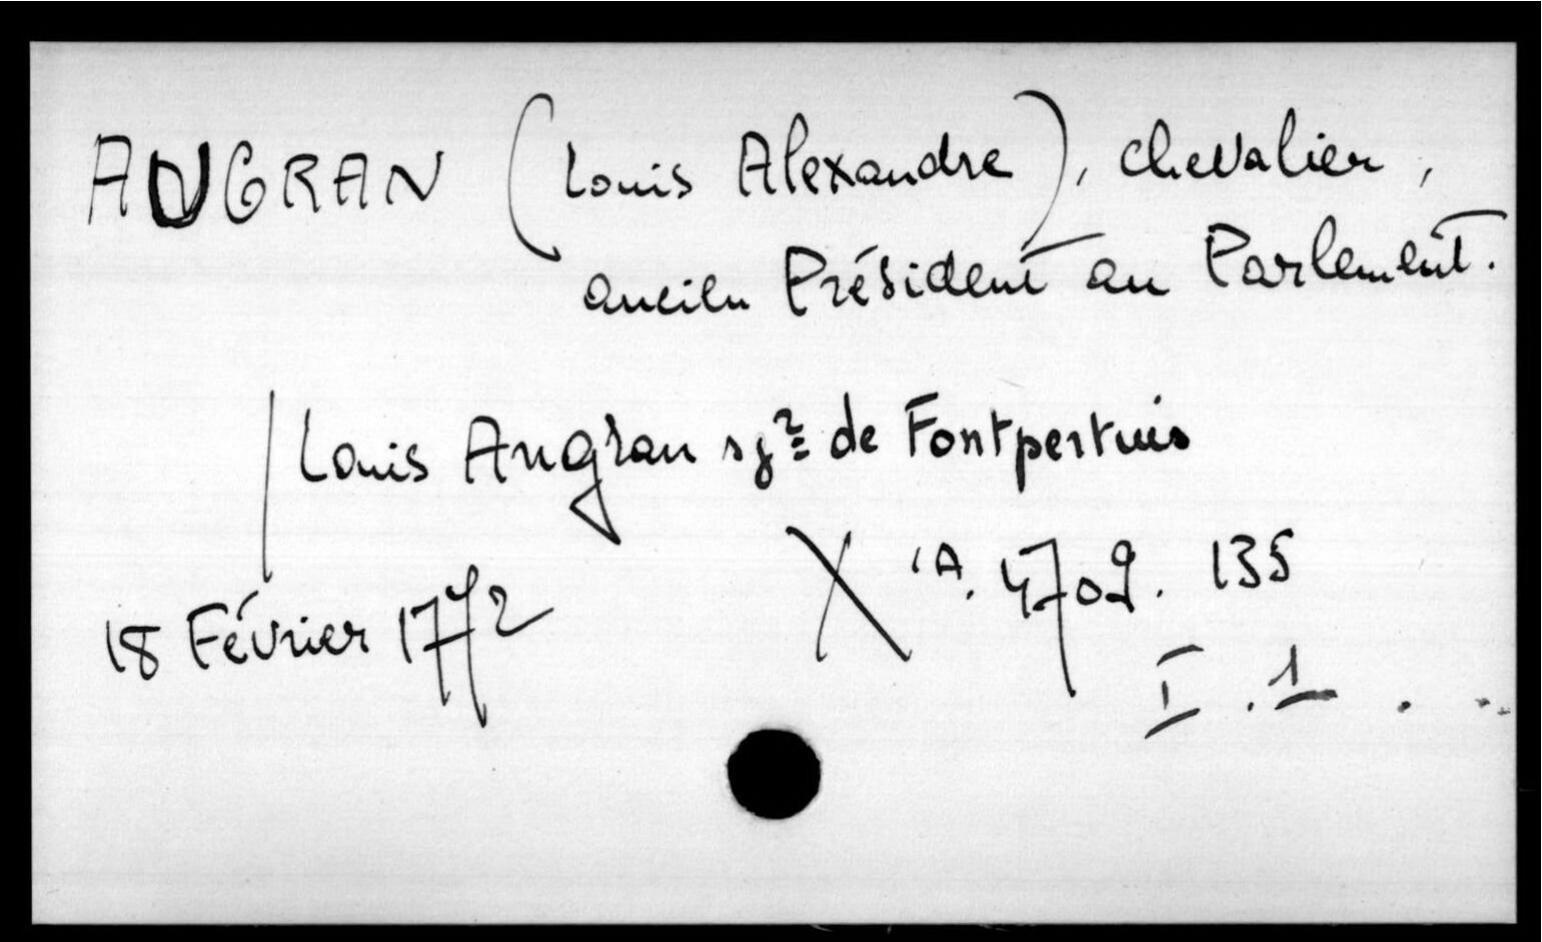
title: AUGRAN (Louis Alexandre), chevalier ancien Président au Parlement
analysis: Contre Louis Angran seigneur de Fontpertuis
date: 18 février 1772
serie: X1A
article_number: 4709
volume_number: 135 Instances 1
